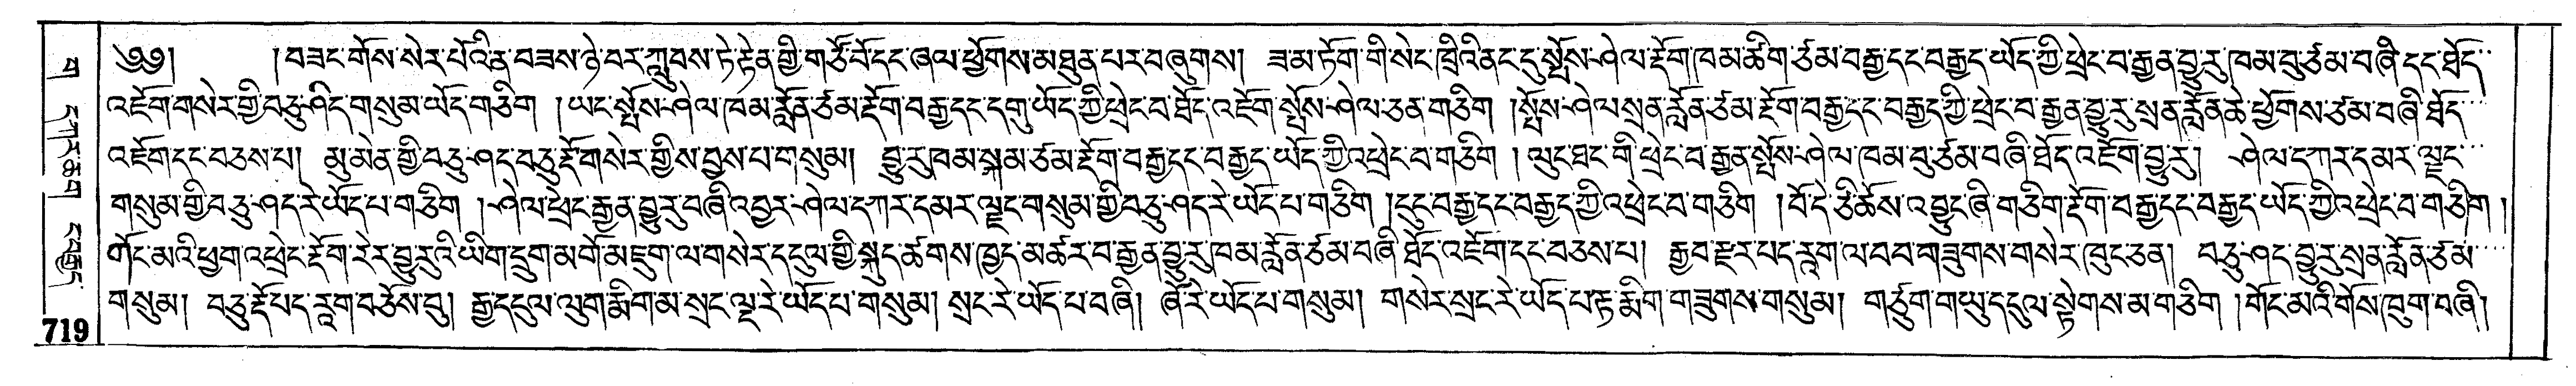༄༅། །བཟང་གོས་སེར་པོའི་ན་བཟས་ཉེ་བར་ཀླུབས་ཏེ་རྟེན་གྱི་གཙོ་བོ་དང་ཞལ་ཕྱོགས་མཐུན་པར་བཞུགས། ཟ་མ་ཏོག་གི་སེང་ཁྲིའི་ནང་དུ་སྤོས་ཤེལ་རྡོག་ཁམ་ཚིག་ཙམ་བརྒྱ་དང་བརྒྱད་ཡོད་ཀྱི་ཕྲེང་བ་རྒྱན་བུ་རུ་ཁམ་བུ་ཙམ་བཞི་དང་ཐོད་
འཇོག་གསེར་གྱི་བཅུ་ཤད་གསུམ་ཡོད་གཅིག །ཡང་སྤོས་ཤེལ་ཁམ་རློན་ཙམ་རྡོག་བརྒྱ་དང་དགུ་ཡོད་ཀྱི་ཕྲེང་བ་ཐོད་འཇོག་སྤོས་ཤེལ་ཅན་གཅིག །སྤོས་ཤེལ་སྲན་རློན་ཅམ་རྡོག་བརྒྱ་དང་བརྒྱད་ཀྱི་ཕྲེང་བ་རྒྱན་བྱུ་རུ་སྲན་རློན་ཆེ་ཕྱོགས་ཙམ་བཞི་ཐོད་འཇོག་དང་བཅས་པ། མུ་མེན་གྱི་བཅུ་ཤད་བཅུ་རྡོ་གསེར་གྱིས་བྱས་པ་གསུམ། བྱུ་རུ་ཁམ་སྐམ་ཅམ་རྡོག་བརྒྱ་དང་བརྒྱད་ཡོད་ཀྱི་འཕྲེང་བ་གཅིག །ལུད་ཐང་གི་ཕྲེང་བ་རྒྱན་སྤོས་ཤེལ་ཁམ་བུ་ཙམ་བཞི་ཐོད་འཛིན་བྱུ་རུ། ཤེལ་དཀར་དམར་ལྗང་
གསུམ་གྱི་བཅུ་ཤད་རེ་ཡོད་པ་གཅིག །ཤེལ་ཕྲེང་རྒྱན་བྱུ་རུ་བཞི་འབྱར་ཤལ་དཀར་དམར་ལྗང་གསུམ་གྱི་བཅུ་ཤད་རེ་ཡོད་པ་གཅིག །དུང་བརྒྱ་དང་བརྒྱད་ཀྱི་འཕྲེང་བ་གཅིག །བོ་དེ་ཙི་ཆོས་འབྱུང་ཞེ་གཅིག་རྡོག་བརྒྱ་དང་བརྒྱད་ཡོང་ཀྱི་འཕྲེང་བ་གཅིག་
གོང་མའི་ཕྱག་འཕྲེང་རྡོག་རེར་བྱུ་རུའི་ཡིག་དྲུག་མགོ་མཇུག་ལ་གསེར་དངུལ་གྱི་སྐུད་ཚགས་ཁྱད་མཚར་བ་རྒྱན་བྱུ་རུ་ཁམ་རློན་ཙམ་བཞི་ཐོད་འཇོག་དང་བཅས་པ། རྒྱབ་རྫར་བད་རཱ་ག་ལ་བབ་གཟུགས་གསེར་ཁུང་ཅན། བཅུ་ཤད་བྱུ་རུ་སྲན་རློན་ཙམ་
གསུམ། བཅུ་རྡོ་པད་རཱ་ག་བཅོས་བུ། རྒྱ་དངུལ་ལུག་རྨིག་མ་སྲང་ལྔ་རེ་ཡོད་པ་གསུམ། སྲང་རེ་ཡོད་པ་བཞི། ཞོ་རེ་ཡོད་པ་གསུམ། གསེར་སྲང་རེ་ཡོད་པ་རྟ་རྨིག་གཟུགས་གསུམ། གཙུག་གཡུ་དངུལ་སྟེགས་མ་གཅིག །གོང་མའི་གོས་ཁུག་བཞི།